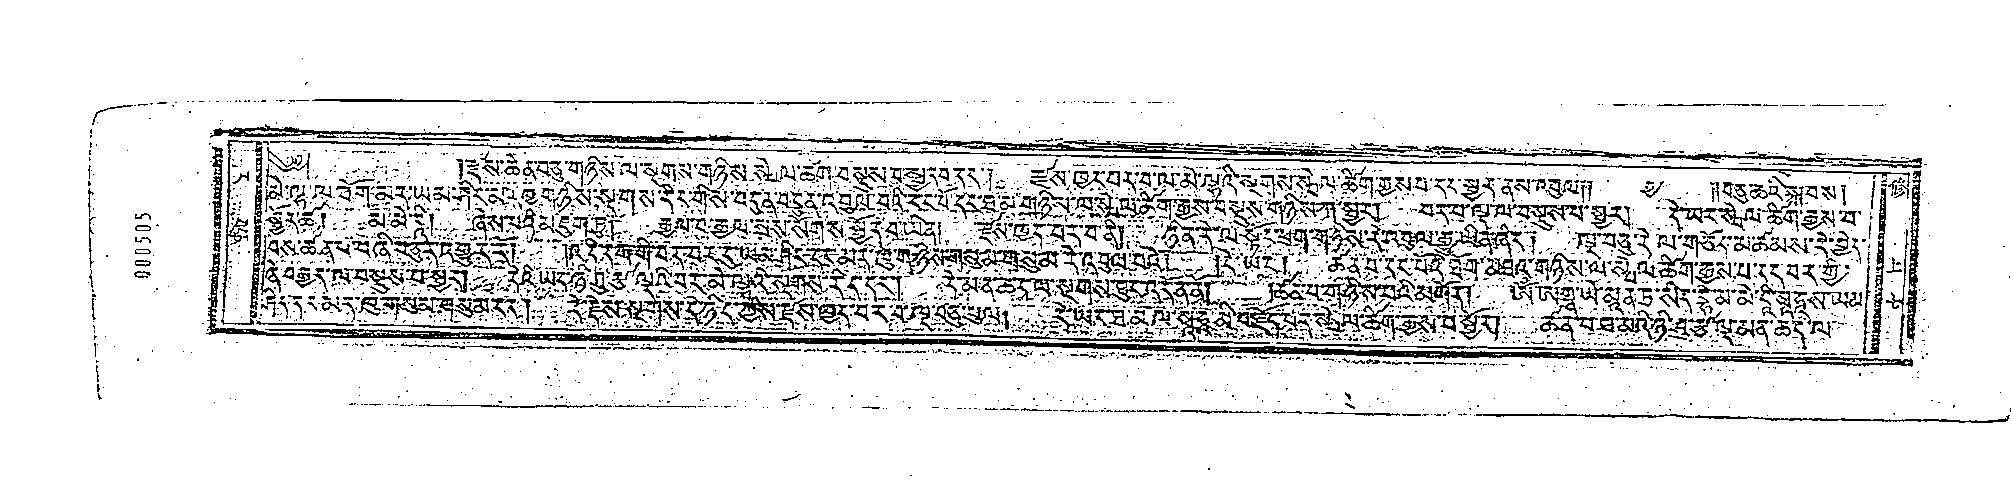༄༅། །རྫས་ཆེན་བཅུ་གཉིས་ལ་སྔགས་གཉིས་སྤེལ་ཚིག་བསྡུས་པ་སྦྱར་བ་དང་། རྫས་ཁྱད་པར་བ་ལ་མེ་ལྷའི་སྔགས་སྤེལ་ཚིག་རྒྱས་པ་དང་སྦྱར་ནས་འབུལ།། ༧་།།བཅུ་ཆའི་སྐབས།
མེ་ལྷ་ལ་ཐོག་མར་ཡམ་ཤིང་མར་ཁུ་གཉིས་སྔགས་རིང་གིས་བདུན་བདུན་འབུལ་བའི་དང་པོ་དང་ཐ་མ་གཉིས་ལ་སྤེལ་ཚིག་རྒྱས་བསྡུས་གཉིས་ཀ་སྦྱར། བར་པ་ལྔ་ལ་བསྡུས་པ་སྦྱར། དེ་ཡང་སྤེལ་ཚིག་རྒྱས་བ་
སྦྱོར་ཚ། མ་མེ་དཱི། ཞེས་པའི་མཇུག་ཏུ། རྒྱལ་བ་རྒྱལ་སྲས་སོགས་སྦྱོར་བ་ཡིན། རྫས་ཁྱད་བར་བ་ནི། ཉིན་རེ་ལ་སྟོང་ཕྲག་གཉིས་རེ་འབུལ་རྒྱུ་ཡིན་ཞིང་། ལྔ་བཅུ་རེ་ལ་གཅོད་མཚམས་རེ་བྱེད་
བས་ཚན་པ་བཞི་བཅུར་འགྱུར་རོ། །འདི་དག་གི་བར་བར་དུ་ཡམ་ཤིང་དང་མར་ཁུ་གཉིས་གསུམ་གསུམ་རེ་འབུལ་བའོ། །དེ་ཡང་། ཚན་པ་དང་པོའི་ཐོག་མཐའ་གཉིས་ལ་སྤེལ་ཚིག་རྒྱས་པ་དད་བར་གྱི་
ནེ་བརྒྱད་ལ་བསྡུས་པ་སྦྱར། དེའི་ཡང་ཉི་ཤུ་རྩ་ལྔའི་བར་མེ་ལྷའི་སྔགས་རིང་དང་། དེ་མན་ཆད་ལ་སྔགས་ཐུང་འདོན་ནོ། །ཚན་པ་གཉིས་པའི་མགོར། ཨོཾ་ཨགན་ཡེ་མཱན་ཏྲ་སིད་དྷི་མ་མེ་དཱི་སྭཱཧཱས་ཡམ་
ཤེད་དང་མར་ཁུ་གསུམ་གསུམ་དང་། དེ་རྗེས་སྔགས་དེ་ཉིད་ཀྱིས་རྫས་ཁྱད་བར་བ་ལྔ་བཅུ་ཕུལ། དེ་ཡང་ཐ་མ་ལ་སྭཱཧཱ་མི་བརྗོད་པར་སྤེལ་ཚིག་རྒྱས་བ་སྦྱོར། ཚན་པ་ཐ་མའི་ཉི་ཤུ་རྩ་ལྔ་མན་ཆད་ལ་